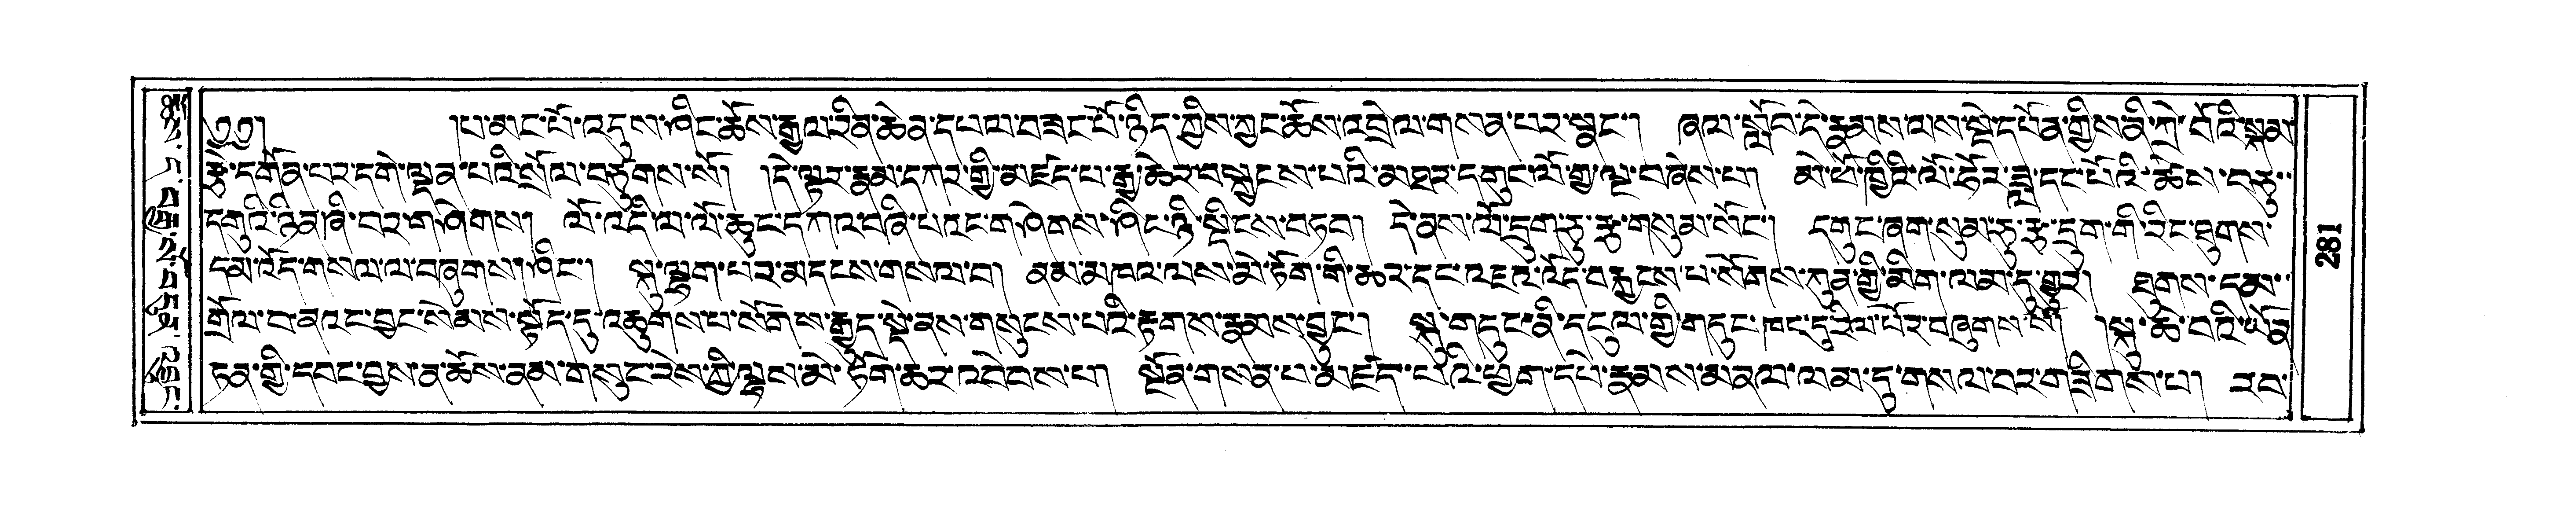༄༅། །པ་མང་པོ་འདུས་ཤིང་ཆོས་རྒྱལ་རིན་ཆེན་དཔལ་བཟང་པོ་ཉིད་ཀྱིས་ཀྱང་ཆོས་འབྲེལ་གསན་པར་སྣང་། ཞལ་སློབ་དེ་རྣམས་ལས་སྡེ་དཔོན་གྱིས་ནི་ཀྲེ་བོའི་སྐམ་
རྩེ་དགོན་པར་དགེ་ལྡན་པའི་སྲོལ་བཙུགས་སོ། །དེ་ལྟར་རྣམ་དཀར་གྱི་མཛད་པ་རྒྱ་ཆེར་བསྐྱངས་པའི་མཐར་དགུང་ལོ་གྱ་ལྔ་བཞེས་པ། མེ་ཕོ་ཁྱིའི་ལོ་ཧོར་ཟླ་དང་པོའི་ཚེས་བཅུ་
དགུའི་ཉིན་ཞི་བར་གཤེགས། ལོ་འདི་ལ་ལོ་ཆུང་དཀའ་བཞི་པའང་གཤེགས་ཤིང་ཉི་སྡིངས་བཏབ། དེ་ནས་ལོ་དྲུག་ཅུ་རྩ་གསུམ་སོང་། དགུང་ཞག་སུམ་ཅུ་རྩ་དྲུག་གི་རིང་ཐུགས་
དམ་འོད་གསལ་ལ་བཞུགས། ཤིང་། སྐུ་ལྷག་པར་མདངས་གསལ་བ། ནམ་མཁའ་ལས་མེ་ཏོག་གི་ཆར་དང་འཇའ་འོད་བརྐྱངས་པ་སོགས་ཀུན་གྱི་མིག་ལམ་དུ་གྱུར། ཐུགས་དམ་
གྲོལ་བ་ནའང་བྱང་སེམས་སྟོད་དུ་འཆུགས་པ་སོགས་རྒྱུད་སྡེ་ནས་གསུངས་པའི་རྟགས་རྣམས་བྱུང་། སྐུ་གདུང་ནི་དངུལ་གྱི་གདུང་ཁང་དུ་རིལ་པོར་བཞུགས་སོ། །སྐུ་ཆེ་བའི་ཡོན་
ཏན་གྱི་དབང་བྱས་ན་ཆོས་ནམ་གསུང་རེས་ཀྱི་ལྷས་མེ་ཏོག་ཆར་འབེབས་པ། སྔོན་གསན་པ་མཛད་པའི་ཕྱག་དཔེ་རྣམས་མནལ་ལམ་དུ་གསལ་བར་གཟིགས་པ། རབ་